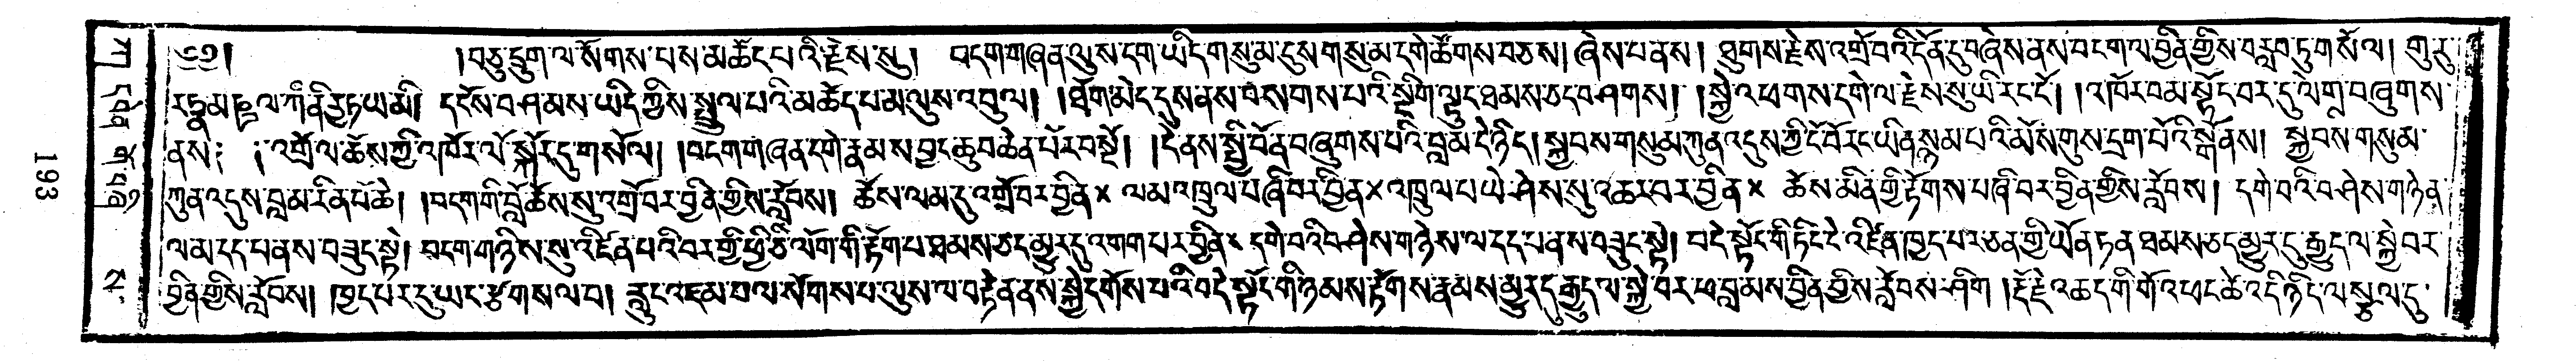༄༅། །བཅུ་དྲུག་ལ་སོགས་པས་མཆོད་པའི་རྗེས་སུ། བདག་གཞན་ལུས་དག་ཡིད་གསུམ་དུས་གསུམ་དགེ་ཚོགས་བཅས། ཞེས་པ་ནས། ཐུགས་རྗེས་འགྲོ་བའི་དོན་དུ་བཞེས་ནས་བདག་ལ་བྱིན་གྱིས་བརླབ་ཏུ་གསོལ། གུ་རུ་
རཏྣ་མཎྜལ་ཀཾ་ནི་རྱཏ་ཡ་མི། དངོས་བཤམས་ཡིད་ཀྱིས་སྤྲུལ་པའི་མཆོད་པ་མ་ལུས་འབུལ། །ཐོག་མེད་དུས་ནས་བསགས་པའི་སྡིག་ལྟུང་ཐམས་ཅད་བཤགས། །སྐྱེ་འཕགས་དགེ་ལ་རྗེས་སུ་ཡི་རང་ངོ། །འཁོར་བ་མ་སྟོང་བར་དུ་ལེགས་བཞུགས་
ནས༑ ༑འགྲོ་ལ་ཆོས་ཀྱི་འཁོར་ལོ་སྐོར་དུ་གསོལ། །བདག་གཞན་དགེ་རྣམས་བྱང་ཆུབ་ཆེན་པོར་བསྔོ། །དེ་ནས་སྤྱི་བོ་ན་བཞུགས་པའི་བླ་མ་དེ་ཉིད། སྐྱབས་གསུམ་ཀུན་འདུས་ཀྱི་ངོ་བོ་རང་ཡིན་སྙམ་པའི་མོས་གུས་དྲག་པོའི་སྒོ་ནས། སྐྱབས་གསུམ་
ཀུན་འདུས་བླ་མ་རིན་པོ་ཆེ། །བདག་གི་བློ་ཆོས་སུ་འགྲོ་བར་བྱིན་གྱིས་རློབས། ཆོས་ལམ་དུ་འགྲོ་བར་བྱིན་྾་ལམ་འཁྲུལ་པ་ཞི་བར་བྱིན་྾་འཁྲུལ་པ་ཡེ་ཤེས་སུ་འཆར་བར་བྱིན་྾་ཆོས་མིན་གྱི་རྟོགས་བཞི་བར་བྱིན་གྱིས་རློབས། དགེ་བའི་བཤེས་གཉེན་
ལ་མ་དད་པ་ནས་བཟུང་སྟེ། བདག་གཉིས་སུ་འཛིན་པའི་བར་གྱི་ཕྱི་ཅི་ལོག་གི་རྟོག་པ་ཐམས་ཅད་མྱུར་དུ་འགག་པར་བྱིན་྾་དགེ་བའི་བཤེས་གཉེས་ལ་དད་པ་ནས་བཟུང་སྟེ། བདེ་སྟོང་གི་ཏིང་ངེ་འཛིན་ཁྱད་པར་ཅན་གྱི་ཡོན་ཏན་ཐམས་ཅད་མྱུར་དུ་རྒྱུད་ལ་སྐྱེ་བར་
བྱིན་གྱིས་རློབས། ཁྱད་པར་དུ་ཡང་རྩ་གསལ་བ། རླུང་འཇམ་བལ་སོགས་པ་ལུས་ལ་བརྟེན་ནས་སྐྱེ་དགོས་པའི་བདེ་སྟོང་གི་ཉམས་རྟོགས་རྣམས་མྱུར་དུ་རྒྱུད་ལ་སྐྱེ་བར་ཕ་བླ་མས་བྱིན་བྱིས་རློབས་ཤིག །རྡོ་རྗེ་འཆད་གི་གོ་འཕང་ཚེ་འདི་ཉིད་ལ་སྩལ་དུ་